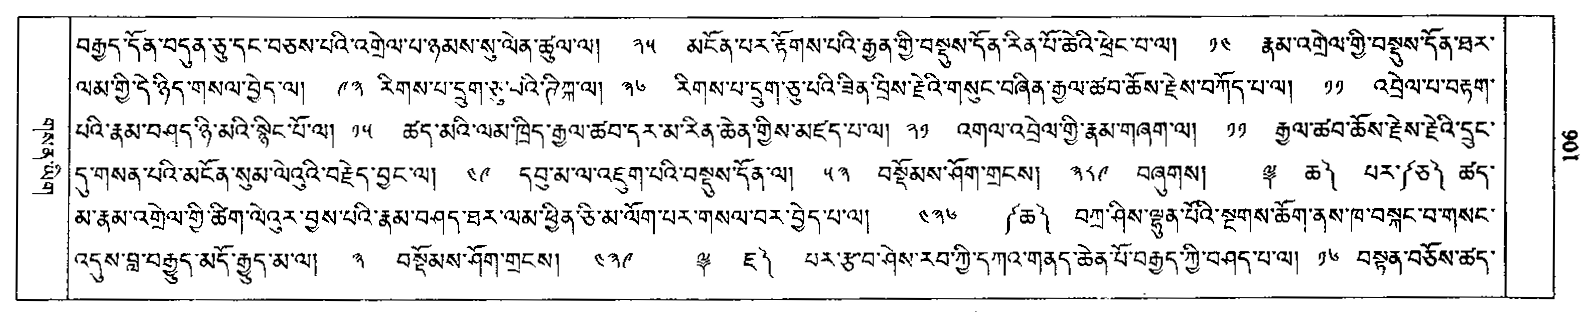བརྒྱད་དོན་བདུན་ཅུ་དང་བཅས་པའི་འགྲེལ་པ་ཉམས་སུ་ལེན་ཚུལ་ལ། ༢༥་མངོན་པར་རྟོགས་པའི་རྒྱན་གྱི་བསྡུས་དོན་རིན་པོ་ཆེའི་ཕྲེང་བ་ལ། ༡༤་རྣམ་འགྲེལ་གྱི་བསྡུས་དོན་ཐར་
ལམ་གྱི་དེ་ཉིད་གསལ་བྱེད་ལ། ༩༣་རིགས་པ་དྲུག་ཅུ་པའི་ཊིཀྐ་ལ། ༣༦་རིགས་པ་དྲུག་ཅུ་པའི་ཟིན་བྲིས་རྗེའི་གསུང་བཞིན་རྒྱལ་ཚབ་ཆོས་རྗེས་བཀོད་པ་ལ། ༡༡་འབྲེལ་པ་བརྟག་
པའི་རྣམ་བཤད་ཉི་མའི་སྙིང་པོ་ལ། ༡༥་ཚད་མའི་ལམ་ཁྲིད་རྒྱལ་ཚབ་དར་མ་རིན་ཆེན་གྱིས་མཛད་པ་ལ། ༢༡་འགལ་འབྲེལ་གྱི་རྣམ་གཞག་ལ། ༡༡་རྒྱལ་ཚབ་ཆོས་རྗེས་རྗེའི་དྲུང་
དུ་གསན་པའི་མངོན་སུམ་ལེའུའི་བརྗེད་བྱང་ལ། ༤༩་དབུ་མ་ལ་འཇུག་པའི་བསྡུས་དོན་ལ། ༥༣་བསྡོམས་ཤོག་གྲངས། ༣༨༩་བཞུགས། ༈ ཆ༼་པར་༽ཅ྄་ཚད་
མ་རྣམ་འགྲེལ་གྱི་ཚིག་ལེའུར་བྱས་པའི་རྣམ་བཤད་ཐར་ལམ་ཕྱིན་ཅི་མ་ལོག་པར་གསལ་བར་བྱེད་པ་ལ། ༤༣༦་ཆ྄་བཀྲ་ཤིས་ལྷུན་པོའི་སྔགས་ཆོག་ནས་ཁ་བསྐང་བ་གསང་
འདུས་བླ་བརྒྱུད་མདོ་རྒྱུད་མ་ལ། ༣་བསྡོམས་ཤོག་གྲངས། ༤༣༩་༈ ཇ྄་པར་རྩ་བ་ཤེས་རབ་ཀྱི་དཀའ་གནད་ཆེན་པོ་བརྒྱད་ཀྱི་བཤད་པ་ལ། ༡༦་བསྟན་བཅོས་ཚད་